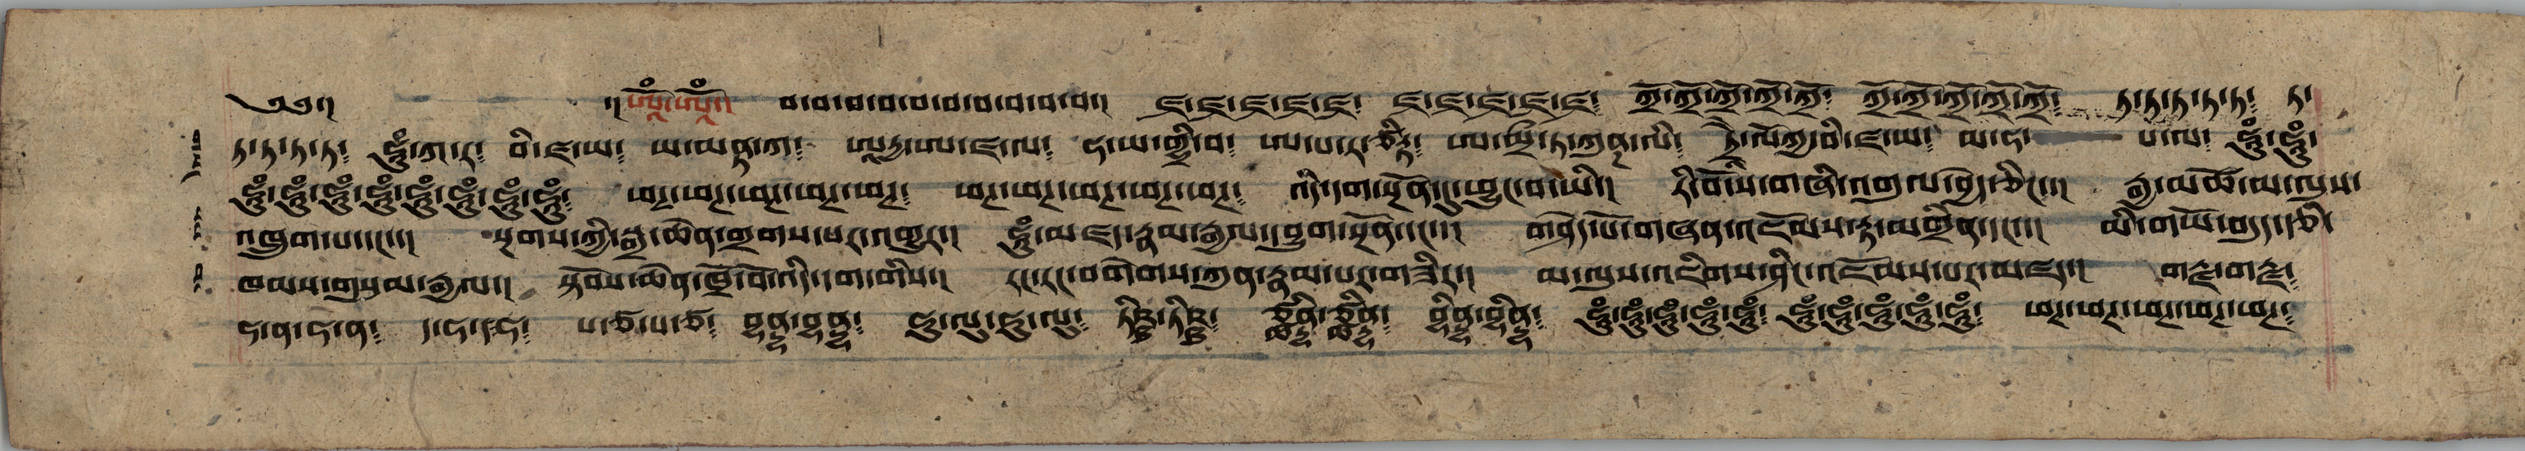༄༅་། ་།ཨཱོཾ་ཨཱོཾ་། བ་བ་བ་བ་བ་བ་བ་བ་བ་བ་། ཛྲ་ཛྲ་ཛྲ་ཛྲ་ཛྲ༴ ཛྲ་ཛྲ་ཛྲ་ཛྲ་ཛྲ༴ ཀྲོ་ཀྲོ་ཀྲོ་ཀྲོ་ཀྲོ༴ ཀྲོ་ཀྲོ་ཀྲོ་ཀྲོ་ཀྲོ༴ ཏ་ཏ་ཏ་ཏ་ཏ༴ ཏ་
ཏ་ཏ་ཏ་ཏ༴ ཧཱུཾ་ཀ་ར༴ བི་ཛ་ཡ༴ ཡ་མནྟ་ཀ༴ ཨཱརྱ་ཨ་ཛ་ལ༴ ཧ་ཡ་གྷྲི་བ༴ ཨ་པ་ར་ཙིཏྟ༴ ཨ་མྲྀ་ཏ་ཀུནྜ་ལི༴ ཏྲེ་ལོཀྱ་བི་ཛ་ཡ༴ མ་ཧ་ པ་ལ༴ ཧཱུཾ་ཧཱུཾ་
ཧཱུཾ་ཧཱུཾ་ཧཱུཾ་ཧཱུཾ་ཧཱུཾ་ཧཱུཾ་ཧཱུཾ་ཧཱུཾ༴ ཕཊ་ཕཊ་ཕཊ་ཕཊ་ཕཊ། ཕཊ་ཕཊ་ཕཊ་ཕཊ་ཕཊ༴ འདི་དག་སྔོན་དུ་ཕྱུང་བ་ཡི་། རི་བོ་ས་བཞི་འགུལ་བྱེད་ཅིང་་། རྒྱ་མཚོ་མ་ལུས་
འཁྲུག་པ་དང་་། སྔགས་ཀྱི་སྒྲ་ཆེན་གྲགས་པར་འགྱུར་། ཧཱུཾ་མཛད་རྣམ་རྒྱལ་དབྱུག་སྔོན་དང་་། གཤེད་པོ་གཞན་འཇོམས་རྟ་མགྲིན་དང་་། མི་གཡོ་བདུད་རྩི་
ཁམས་གསུམ་རྒྱལ་། སྟོབས་ཆེན་ཁྲོ་བོ་འདི་དག་གིས་། རང་རང་བགེགས་ཀུན་རྣམ་པར་གཟིར་། མ་ལུས་འཇིགས་ཤིང་འཇོམས་པར་མཛད་། གརྫ་གརྫ༴
ཧ་ན་ཧ་ན༴ ད་ཧ་ད་ཧ༴ པ་ཙ་པ་ཙ༴ བྷནྡྷ་བྷནྡྷ༴ ཧུ་ལུ་ཧུ་ལུ༴ ཏིཥྠ་ཏིཥྠ༴ ཙྪནྡྷི་ཙྪནྡྷི༴ ཧཱུཾ་ཧཱུཾ་ཧཱུཾ་ཧཱུཾ་ཧཱུཾ༴ ཧཱུཾ་ཧཱུཾ་ཧཱུཾ་ཧཱུཾ་ཧཱུཾ༴ ཕཊ་ཕཊ་ཕཊ་ཕཊ་ཕཊ༴